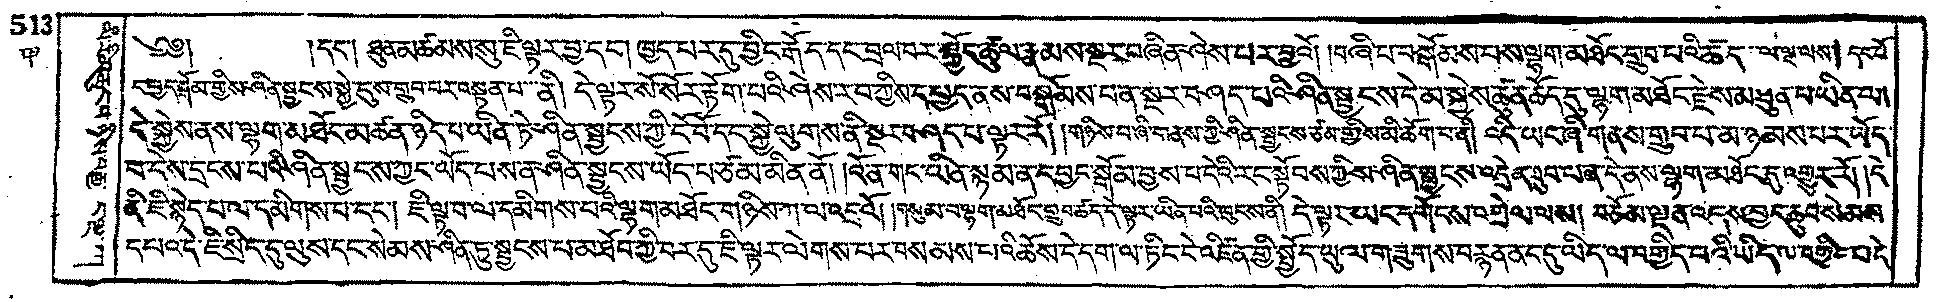༄༅། །དང་། ཐུན་མཚམས་སུ་ཇི་ལྟར་བྱ་དང་། ཁྱད་པར་དུ་བྱིང་རྒོད་དང་བྲལ་བར་སྐྱོང་ཚུལ་རྣམས་སྔར་བཞིན་ཤེས་པར་བྱའོ། །བཞི་པ་བསྒོམས་པས་ལྷག་མཐོང་གྲུབ་པའི་ཚད་ལ་ལྔ་ལས། དང་པོ་
དཔྱད་སྒོམ་གྱིས་ཤིན་སྦྱངས་སྐྱེ་དུས་སྒྲུབ་པར་བསྟན་པ་ནི། དེ་ལྟར་སོ་སོར་རྟོག་པའི་ཤེས་རབ་ཀྱིས་དཔྱད་ནས་བསྒོམས་པ་ན་སྔར་བཤད་པའི་ཤིན་སྦྱངས་དེ་མ་སྐྱེས་ཚུན་ཆོད་དུ་ལྷག་མཐོང་རྗེས་མཐུན་པ་ཡིན་ལ།
དེ་སྐྱེས་ནས་ལྷག་མཐོང་མཚན་ཉིད་པ་ཡིན་ཏེ་ཤིན་སྦྱངས་ཀྱི་ངོ་བོ་དང་སྐྱེ་ལུགས་ནི་སྔར་བཤད་པ་ལྟར་རོ། །གཉིས་པ་ཞི་གནས་ཀྱི་ཤིན་སྦྱངས་ཙམ་གྱིས་མི་ཆོག་པ་ནི། འདི་ཡང་ཞི་གནས་གྲུབ་པ་མ་ཉམས་པར་ཡོད་
པ་དེས་དྲངས་པའི་ཤིན་སྦྱངས་ཀྱང་ཡོད་པས་ན་ཤིན་སྦྱངས་ཡོད་པ་ཙམ་མིན་ནོ། །འོ་ན་གང་ཡིན་སྙམ་ན་དཔྱད་སྒོམ་བྱས་པ་དེའི་རང་སྟོབས་ཀྱིས་ཤིན་སྦྱངས་འདྲེན་ཐུབ་པ་ན་དེ་ནས་ལྷག་མཐོང་དུ་འགྱུར་རོ། །དེ་
ནི་ཇི་སྙེད་པ་ལ་དམིགས་པ་དང་། ཇི་ལྟ་བ་ལ་དམིགས་པའི་ལྷག་མཐོང་གཉིས་ཀ་ལ་འདྲའོ། །གསུམ་པ་ལྷག་མཐོང་གྲུབ་ཚད་དེ་ལྟར་ཡིན་པའི་ཁུངས་ནི། དེ་ལྟར་ཡང་དགོངས་འགྲེལ་ལས། བཅོམ་ལྡན་འདས་བྱང་ཆུབ་སེམས་
དཔའ་དེ་ཇི་སྲིད་དུ་ལུས་དང་སེམས་ཤིན་ཏུ་སྦྱངས་པ་མ་ཐོབ་ཀྱི་བར་དུ་ཇི་ལྟར་ལེགས་པར་བསམས་པའི་ཆོས་དེ་དག་ལ་ཏིང་ངེ་འཛིན་གྱི་སྤྱོད་ཡུལ་གཟུགས་བརྙན་ནང་དུ་ཡིད་ལ་བགྱིད་པའི་ཡིད་ལ་བགྱིད་པ་དེ་